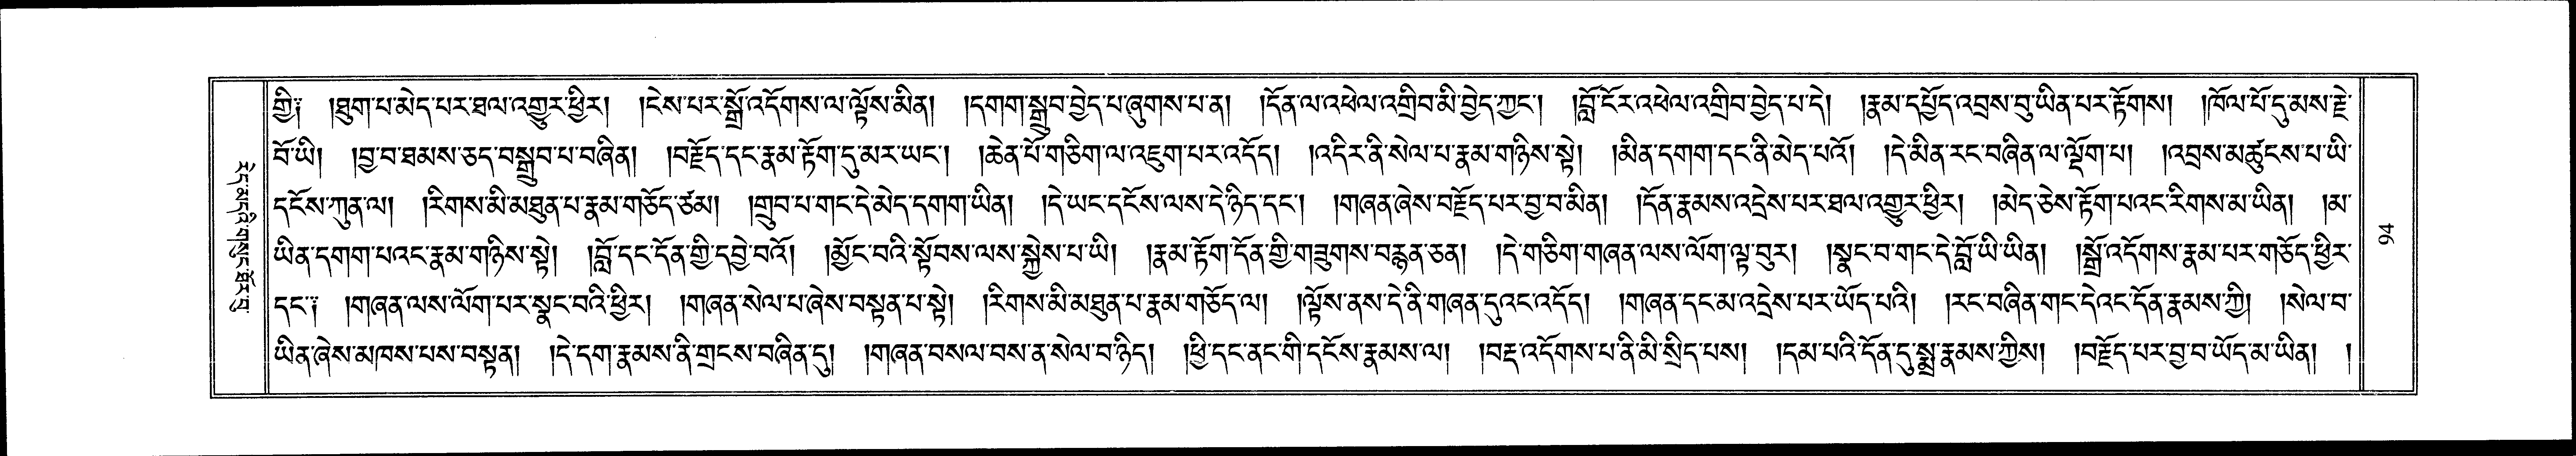གྱི། །ཐུག་པ་མེད་པར་ཐལ་འགྱུར་ཕྱིར། །ངེས་པར་སྒྲོ་འདོགས་ལ་ལྟོས་མིན། །དགག་སྒྲུབ་བྱེད་པ་ཞུགས་པ་ན། །དོན་ལ་འཕེལ་འགྲིབ་མི་བྱེད་ཀྱང་། །བློ་ངོར་འཕེལ་འགྲིབ་བྱེད་པ་དེ། །རྣམ་དཔྱོད་འབྲས་བུ་ཡིན་པར་རྟོགས། །ཁོལ་པོ་དུ་མས་རྗེ་
བོ་ཡི། །བྱ་བ་ཐམས་ཅད་བསྒྲུབ་པ་བཞིན། །བརྗོད་དང་རྣམ་རྟོག་དུ་མར་ཡང་། །ཆེན་པོ་གཅིག་ལ་འཇུག་པར་འདོད། །འདིར་ནི་སེལ་པ་རྣམ་གཉིས་སྟེ། །མིན་དགག་དང་ནི་མེད་པའོ། །དེ་མིན་རང་བཞིན་ལ་ལྡོག་པ། །འབྲས་མཚུངས་པ་ཡི་
དངོས་ཀུན་ལ། །རིགས་མི་མཐུན་པ་རྣམ་གཅོད་ཙམ། །གྲུབ་པ་གང་དེ་མེད་དགག་ཡིན། །དེ་ཡང་དངོས་ལས་དེ་ཉིད་དང་། །གཞན་ཞེས་བརྗོད་པར་བྱ་བ་མིན། །དོན་རྣམས་འདྲེས་པར་ཐལ་འགྱུར་ཕྱིར། །མེད་ཅེས་རྟོག་པའང་རིགས་མ་ཡིན། །མ་
ཡིན་དགག་པའང་རྣམ་གཉིས་སྟེ། །བློ་དང་དོན་གྱི་དབྱེ་བའོ། །མྱོང་བའི་སྟོབས་ལས་སྐྱེས་པ་ཡི། །རྣམ་རྟོག་དོན་གྱི་གཟུགས་བརྙན་ཅན། །དེ་གཅིག་གཞན་ལས་ལོག་ལྟ་བུར། །སྣང་བ་གང་དེ་བློ་ཡི་ཡིན། །སྒྲོ་འདོགས་རྣམ་པར་གཅོད་ཕྱིར་
དང་། །གཞན་ལས་ལོག་པར་སྣང་བའི་ཕྱིར། །གཞན་སེལ་པ་ཞེས་བསྟན་པ་སྟེ། །རིགས་མི་མཐུན་པ་རྣམ་གཅོད་ལ། །ལྟོས་ནས་དེ་ནི་གཞན་དུའང་འདོད། །གཞན་དང་མ་འདྲེས་པར་ཡོད་པའི། །རང་བཞིན་གང་དེའང་དོན་རྣམས་ཀྱི། །སེལ་བ་
ཡིན་ཞེས་མཁས་པས་བསྟན། །དེ་དག་རྣམས་ནི་གྲངས་བཞིན་དུ། །གཞན་བསལ་བས་ན་སེལ་བ་ཉིད། །ཕྱི་དང་ནང་གི་དངོས་རྣམས་ལ། །བརྡ་འདོགས་པ་ནི་མི་སྲིད་པས། །དམ་པའི་དོན་དུ་སྨྲ་རྣམས་ཀྱིས། །བརྗོད་པར་བྱ་བ་ཡོད་མ་ཡིན། །